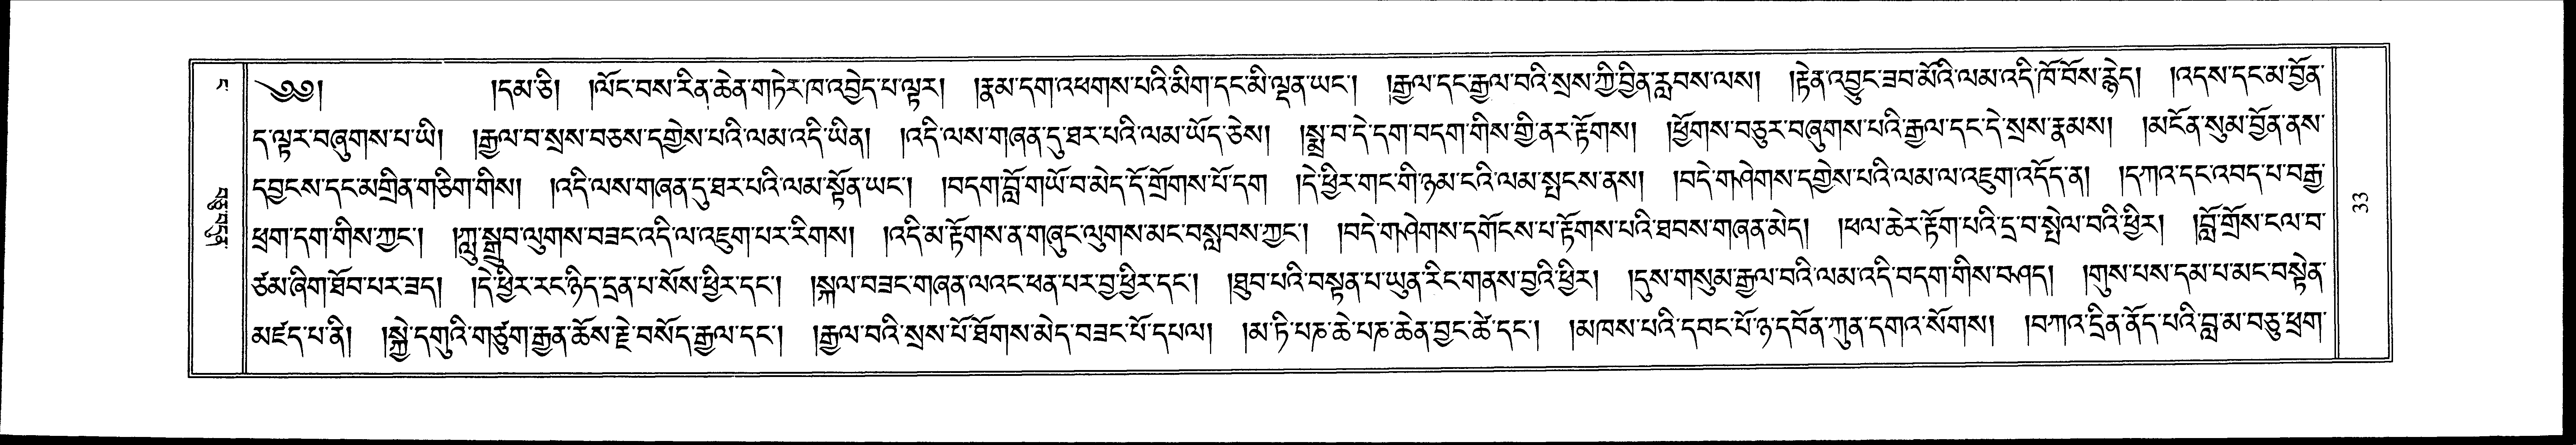༄༅། །དམ་ཅི། །ལོང་བས་རིན་ཆེན་གཏེར་ཁ་འབྱེད་པ་ལྟར། །རྣམ་དག་འཕགས་པའི་མིག་དང་མི་ལྡན་ཡང་། །རྒྱལ་དང་རྒྱལ་བའི་སྲས་ཀྱི་བྱིན་རླབས་ལས། །རྟེན་འབྱུང་ཟབ་མོའི་ལམ་འདི་ཁོ་བོས་རྙེད། །འདས་དང་མ་བྱོན་
ད་ལྟར་བཞུགས་པ་ཡི། །རྒྱལ་བ་སྲས་བཅས་དགྱེས་པའི་ལམ་འདི་ཡིན། །འདི་ལས་གཞན་དུ་ཐར་པའི་ལམ་ཡོད་ཅེས། །སྨྲ་བ་དེ་དག་བདག་གིས་གྱི་ནར་རྟོགས། །ཕྱོགས་བཅུར་བཞུགས་པའི་རྒྱལ་དང་དེ་སྲས་རྣམས། །མངོན་སུམ་བྱོན་ནས་
དབྱངས་དང་མགྲིན་གཅིག་གིས། །འདི་ལས་གཞན་དུ་ཐར་པའི་ལམ་སྟོན་ཡང་། །བདག་བློ་གཡོ་བ་མེད་དོ་གྲོགས་པོ་དག །དེ་ཕྱིར་གང་གི་ཉམ་ངའི་ལམ་སྤངས་ནས། །བདེ་གཤེགས་དགྱེས་པའི་ལམ་ལ་འཇུག་འདོད་ན། །དཀའ་དང་འབད་པ་བརྒྱ་
ཕྲག་དག་གིས་ཀྱང་། །ཀླུ་སྒྲུབ་ལུགས་བཟང་འདི་ལ་འཇུག་པར་རིགས། །འདི་མ་རྟོགས་ན་གཞུང་ལུགས་མང་བསླབས་ཀྱང་། །བདེ་གཤེགས་དགོངས་པ་རྟོགས་པའི་ཐབས་གཞན་མེད། །ཕལ་ཆེར་རྟོག་པའི་དྲ་བ་སྤེལ་བའི་ཕྱིར། །བློ་གྲོས་ངལ་བ་
ཙམ་ཞིག་ཐོབ་པར་ཟད། །དེ་ཕྱིར་རང་ཉིད་དྲན་པ་སོས་ཕྱིར་དང་། །སྐལ་བཟང་གཞན་ལའང་ཕན་པར་བྱ་ཕྱིར་དང་། །ཐུབ་པའི་བསྟན་པ་ཡུན་རིང་གནས་བྱའི་ཕྱིར། །དུས་གསུམ་རྒྱལ་བའི་ལམ་འདི་བདག་གིས་བཤད། །གུས་པས་དམ་པ་མང་བསྟེན་
མཛད་པ་ནི། །སྐྱེ་དགུའི་གཙུག་རྒྱན་ཆོས་རྗེ་བསོད་རྒྱལ་དང་། །རྒྱལ་བའི་སྲས་པོ་ཐོགས་མེད་བཟང་པོ་དཔལ། །མ་ཏི་པཎ་ཆེ་པཎ་ཆེན་བྱང་ཚེ་དང་། །མཁས་པའི་དབང་པོ་ཉ་དབོན་ཀུན་དགའ་སོགས། །བཀའ་དྲིན་ནོད་པའི་བླ་མ་བཅུ་ཕྲག་